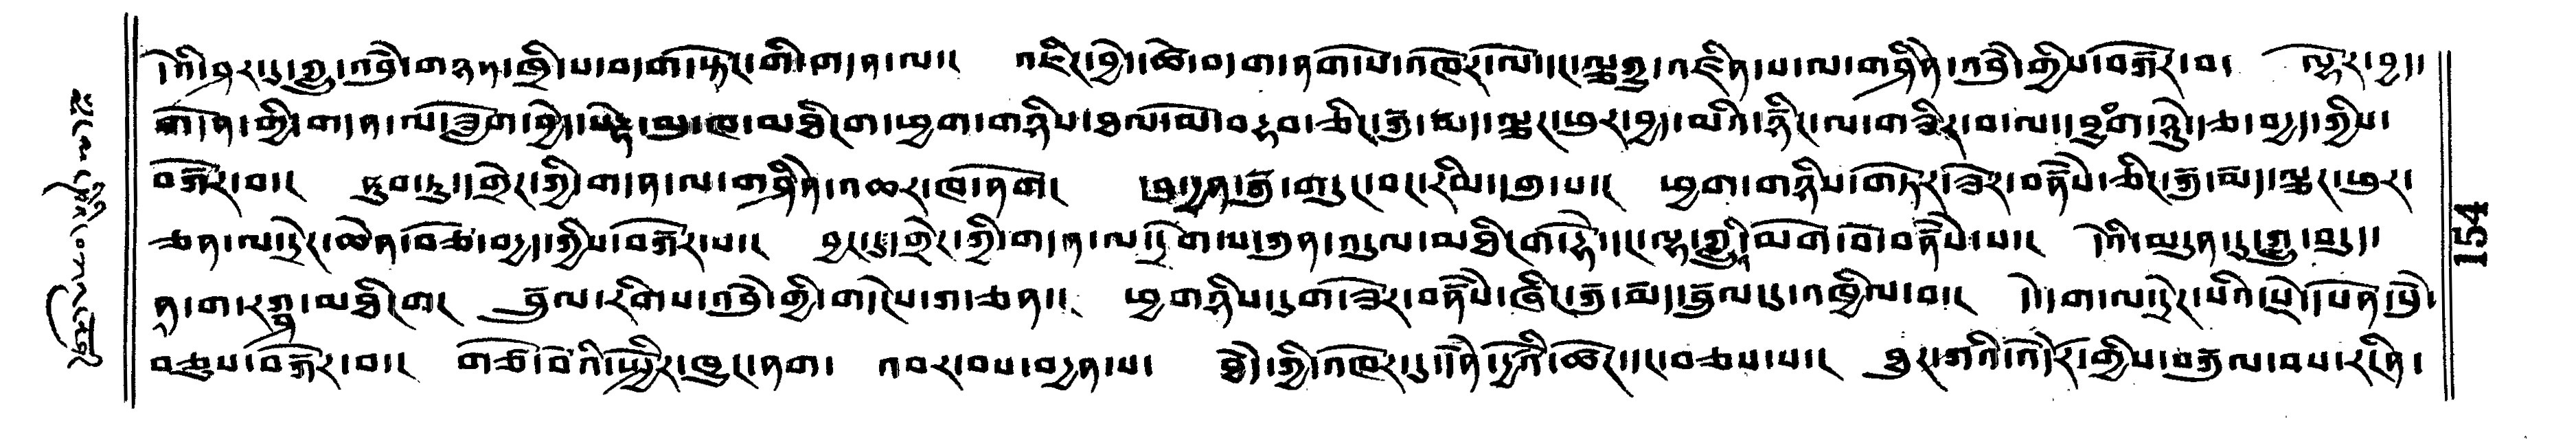དེའི་ཤར་དུ་ཀླུ་འབུམ་གཉན་ཁྲི་ས་བདག་སྟོང་གི་གདན་ལ། འཇིགས་བྱེད་ཚེ་བདག་ནག་པོ་འཁོར་ལོ་དང་ལྕགས་ཀྱུ་འཛིན་པ་ལ་གཤིན་རྗེ་འབུམ་གྱིས་བསྐོར་བ། ལྷོར་བྱད་
གདོན་གི་གདན་ལ་ཟློག་བྱེད་སེདྷ་མུ་ཁ་མཐིང་ནག་ཕྱག་གཉིས་ཐལ་མོ་བརྡབ་ཅིང་སྐུ་སྨད་ལྕགས་ཕུར་བྱད་མའི་སྙིང་ལ་གཟིར་བ་ལ་དབང་ཕྱུག་ཉི་ཤུ་རྩ་བརྒྱད་ཀྱིས་
བསྐོར་བ།ནུབ་ཏུ་དགྲ་བགེགས་ཀྱི་གདན་ལ་གཤིན་རྗེ་འཆར་ཁ་ནག་པོ་དབུ་རྒྱན་སྐུ་གདུགས་བང་རིམ་དགུ་པ། ཕྱག་གཉིས་གཏོར་ཟོར་བསྣམས་ཅིང་སྐུ་སྨད་ལྕགས་ཕུར་
ཅན་ལ་དྲེགས་ཆེན་བཅོ་བརྒྱད་ཀྱིས་བསྐོར་བ། བྱང་དུ་དགྲ་བགེགས་ཀྱི་གདན་ལ་དྲེགས་པ་ཀུན་འདུལ་མཐིང་ནག་རྡོ་རྗེ་དང་ལྷ་ཀླུའི་མགོ་བོ་བསྣམས་པ། དེའི་མདུན་དུ་ཀླུ་བདུད་
ནཱ་ག་རཀྴ་མཐིང་ནག་སྦྲུལ་རིགས་འབུམ་གྱི་གདེངས་ཀ་ཅན། ཕྱག་གཉིས་དུག་ཟོར་བསྣམས་ཤིང་སྐུ་སྨད་སྦྲུལ་དུ་འཁྱིལ་བ། དེ་དག་ལ་དྲེགས་པའི་སྡེ་དཔོན་སུམ་
ཅུས་བསྐོར་བ། གཙོ་བོའི་སྤྱི་བོར་ཁྱུང་ནག་འབར་བས་བརྒྱན་པ། ཐམས་ཅད་འཁོར་དུ་དམ་ཅན་རྒྱ་མཚོའི་ཚོགས་དང་བཅས་པ། ཐུགས་ཀའི་འོད་ཟེར་གྱིས་བསྐུལ་བས་རང་བཞིན་